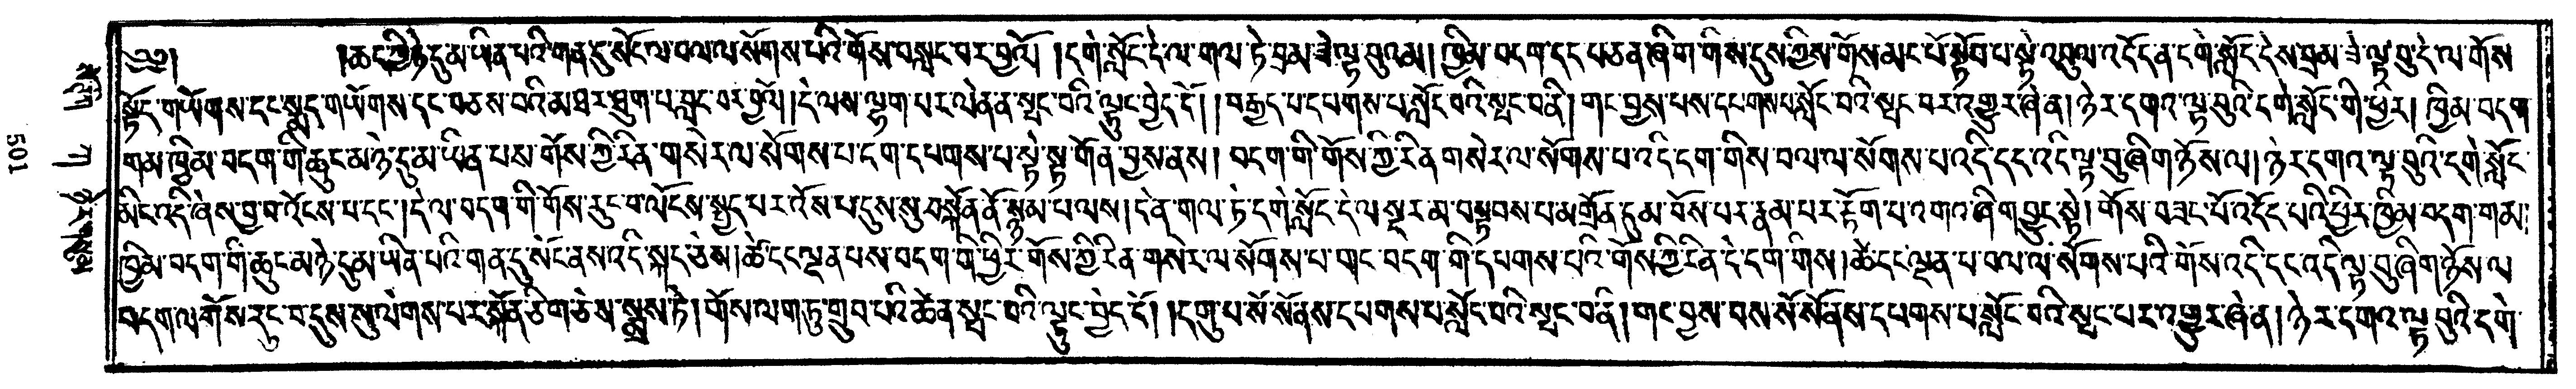༄༅། །ཆང་ཀྱི་ཉེ་དུ་མ་ཡིན་པའི་གན་དུ་སོང་ལ་བལ་ལ་སོགས་པའི་གོས་བསླང་བར་བྱའོ། །དགེ་སློང་དེ་ལ་གལ་ཏེ་བྲམ་ཟེ་ལྟ་བུའམ། ཁྱིམ་བདག་དང་པ་ཅན་ཞིག་གིས་དུས་ཀྱིས་གོས་མང་པོ་སྟོབ་པ་སྟེ་འབུལ་འདོད་ན་དགེ་སློང་དེས་བྲམ་ཟེ་ལྟ་བུ་དེ་ལ་གོས་
སྟོང་གཡོགས་དང་སྨད་གཡོགས་དང་བཅས་པའི་མཐར་ཐུག་པ་བླང་བར་བྱའོ། །དེ་ལས་ལྷག་པར་ལེན་ན་སྤང་བའི་ལྟུང་བྱེད་དོ། །བརྒྱད་པ་དཔགས་པ་སློང་བའི་སྤང་བ་ནི། གང་བྱས་པས་དཔགས་པ་སློང་བའི་སྤང་བར་འགྱུར་ཞེ་ན། ཉེར་དགའ་ལྟ་བུའི་དགེ་སློང་གི་ཕྱིར། ཁྱིམ་བདག་
གམ་ཁྱིམ་བདག་གི་ཆུང་མ་ཉེ་དུ་མ་ཡིན་པས་གོས་ཀྱི་རིན་གསེར་ལ་སོགས་པ་དག་དཔགས་པ་སྟེ་སྟ་གོན་བྱས་ནས། བདག་གི་གོས་ཀྱི་རིན་གསེར་ལ་སོགས་པ་འདི་དག་གིས་བལ་ལ་སོགས་པ་འདི་དང་འདི་ལྟ་བུ་ཞིག་ཉོས་ལ། ཉེར་དགའ་ལྟ་བུའི་དགེ་སློང་
མིང་འདི་ཞེས་བྱ་བ་འོངས་པ་དང་། དེ་ལ་བདག་གི་གོས་རུང་བ་ལོངས་སྤྱད་པར་འོས་པ་དུས་སུ་བསྐོན་ནོ་སྙམ་པ་ལས། དེ་ན་གལ་ཏེ་དགེ་སློང་དེ་ལ་སྔར་མ་བསྟབས་པ་མགྲོན་དུམ་བོས་པར་རྣམ་པར་རྟོག་པ་འགའ་ཞིག་བྱུང་སྟེ། གོས་བཟང་པོ་འདོད་པའི་ཕྱིར་ཁྱིམ་བདག་གམ།
ཁྱིམ་བདག་གི་ཆུང་མཉེ་དུ་མ་ཡིན་པའི་གན་དུ་སོང་ནས་འདི་སྐད་ཅེས། ཚེ་དང་ལྡན་པས་བདག་གི་ཕྱིར་གོས་ཀྱི་རིན་གསེར་ལ་སོགས་པ་གང་བདག་གི་དཔགས་པའི་གོས་ཀྱི་རིན་དེ་དག་གིས། ཚེ་དང་ལྡན་པ་བལ་ལ་སོགས་པའི་གོས་འདི་དང་འདི་ལྟ་བུ་ཞིག་ཉོས་ལ་
བདག་ལ་གོས་རུང་བ་དུས་སུ་ལེགས་པར་སྐོན་ཅིག་ཅེས་སྨྲས་ཏེ། གོས་ལག་ཏུ་གྲུབ་པའི་ཚེ་ན་སྤང་བའི་ལྟུང་བྱེད་དོ། །དགུ་པ་སོ་སོ་ནས་དཔགས་པ་སློང་བའི་སྤང་བ་ནི། གང་བྱས་པས་སོ་སོ་ནས་དཔགས་པ་སློང་བའི་སྤང་པར་འགྱུར་ཞེ་ན། ཉེར་དགའ་ལྟ་བུའི་དགེ་